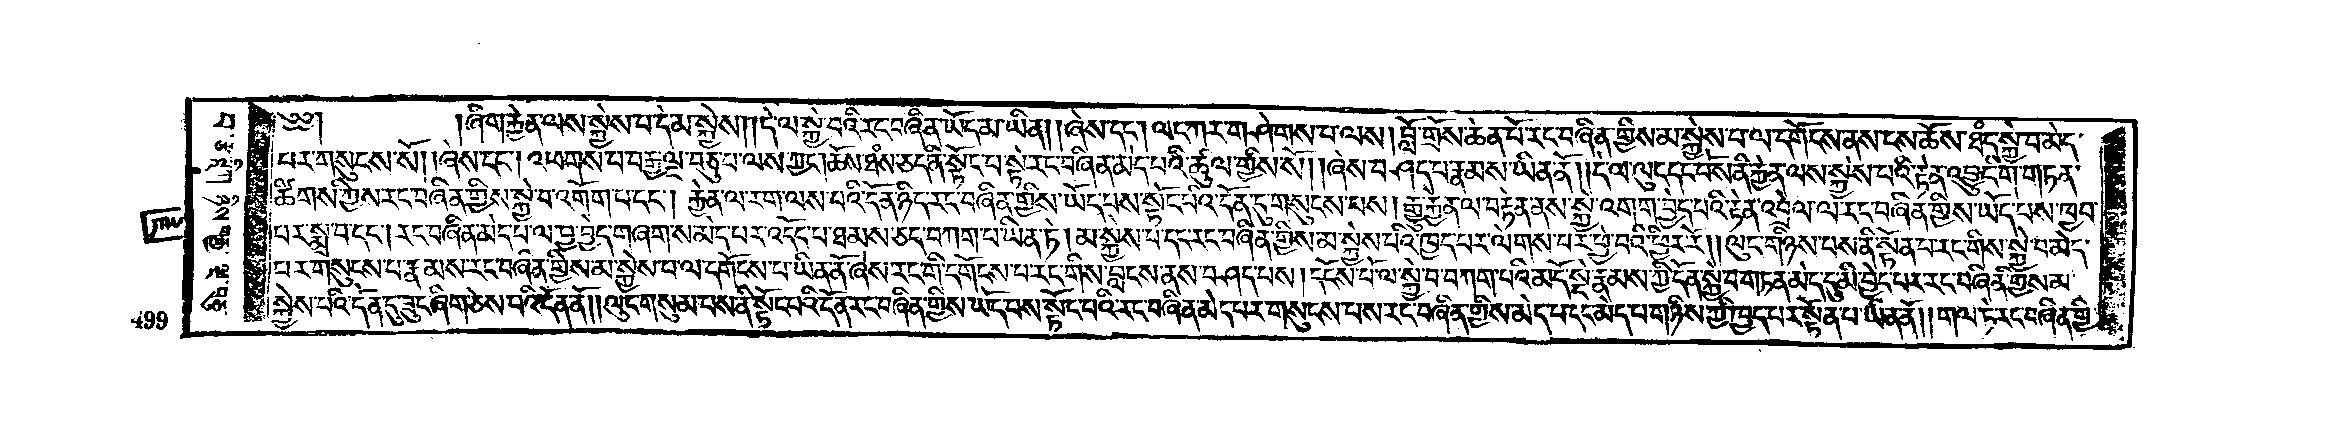༄༅། །ཞིག་རྐྱེན་ལས་སྐྱེས་བ་དེ་མ་སྐྱེས་པ། །དེ་ལ་སྐྱེ་བའི་རང་བཞིན་ཡོད་མ་ཡིན། །ཞེས་དང་། ལ་དཀར་གཤེགས་པ་ལས། བློ་གྲོས་ཆེན་པོ་རང་བཞིན་གྱིས་མ་སྐྱེས་པ་ལ་དགོངས་ནས་ངས་ཆོས་ཐཾད་སྐྱེ་བ་མེད་
པར་གསུངས་སོ། །ཞེས་དང་། འཕགས་པ་བརྒྱ་ལྔ་བཅུ་པ་ལས་ཀྱང་། ཆོས་ཐཾས་ཅད་ནི་སྟོང་པ་སྟེ་རང་བཞིན་མེད་པའི་ཚུལ་གྱིས་སོ། །ཞེས་བཤད་པ་རྣམས་ཡིན་ནོ། །དེ་ལ་ལུང་དང་པོས་ནི་རྐྱེན་ལས་སྐྱེས་པའི་རྟེན་འབྱུང་གི་གཏན་
ཚིགས་ཀྱིས་རང་བཞིན་གྱིས་སྐྱེ་བ་འགོག་པ་དང་། རྐྱེན་ལ་རག་ལས་པའི་དོན་ཉིད་རང་བཞིན་གྱིས་ཡོད་པས་སྟོན་པའི་དོན་དུ་གསུངས་པས། རྒྱུ་རྐྱེན་ལ་བརྟེན་ནས་སྐྱེ་འགག་བྱེད་པའི་རྟེན་འབྲེལ་ལ་རང་བཞིན་གྱིས་ཡོད་པས་ཁྱབ་
པར་སྨྲ་བ་དང་། རང་བཞིན་མེད་པ་ལ་བྱ་བྱེད་གཞག་ས་མེ་པར་འདོད་པ་ཐམས་ཅད་བཀག་པ་ཡིན་ཏེ། མ་སྐྱེ་བ་དང་རང་བཞིན་གྱིས་མ་སྐྱེས་པའི་ཁྱད་པར་ལེགས་པར་ཕྱེ་བའི་ཕྱིར་རོ། །ལུང་གཉིས་པས་ནི་སྟོན་པ་རང་གིས་སྐྱེས་པ་མེད་
པར་གསུངས་པ་རྣམས་རང་བཞིན་གྱིས་མ་སྐྱེ་སྤ་ལ་དགོངས་པ་ཡིན་པོ་ཞེས་རང་གི་དོགས་པ་རྣ་གིས་བླངས་ནས་བཤད་པས། དངོས་པོ་ལ་སྐྱེས་བ་བཀག་པའི་མདོ་སྟེ་རྣམ་ཀྱི་དོན་སྐྱེ་བ་གཏན་མེད་དུ་མི་བྱེ་དཔ་རང་བཞིན་གྱིས་མ་
སྐྱེས་པའི་དོན་དུ་ཟུང་ཞིག་ཅེས་པའི་དོན་ནོ། །ལུང་གསུམ་པས་ནི་སྟོང་པའི་དོན་རང་བཞིན་གྱིས་ཡོད་པས་སྟོན་པའི་རང་བཞིན་མེད་པར་གསུངས་པས་རང་བཞིན་གྱིས་མེད་པ་དང་མེད་པ་གཉིས་ཀྱི་ཁྱད་པར་སྟོན་པ་ཡིན་ནོ། །གལ་ཏེ་རང་བཞིན་གྱིས་